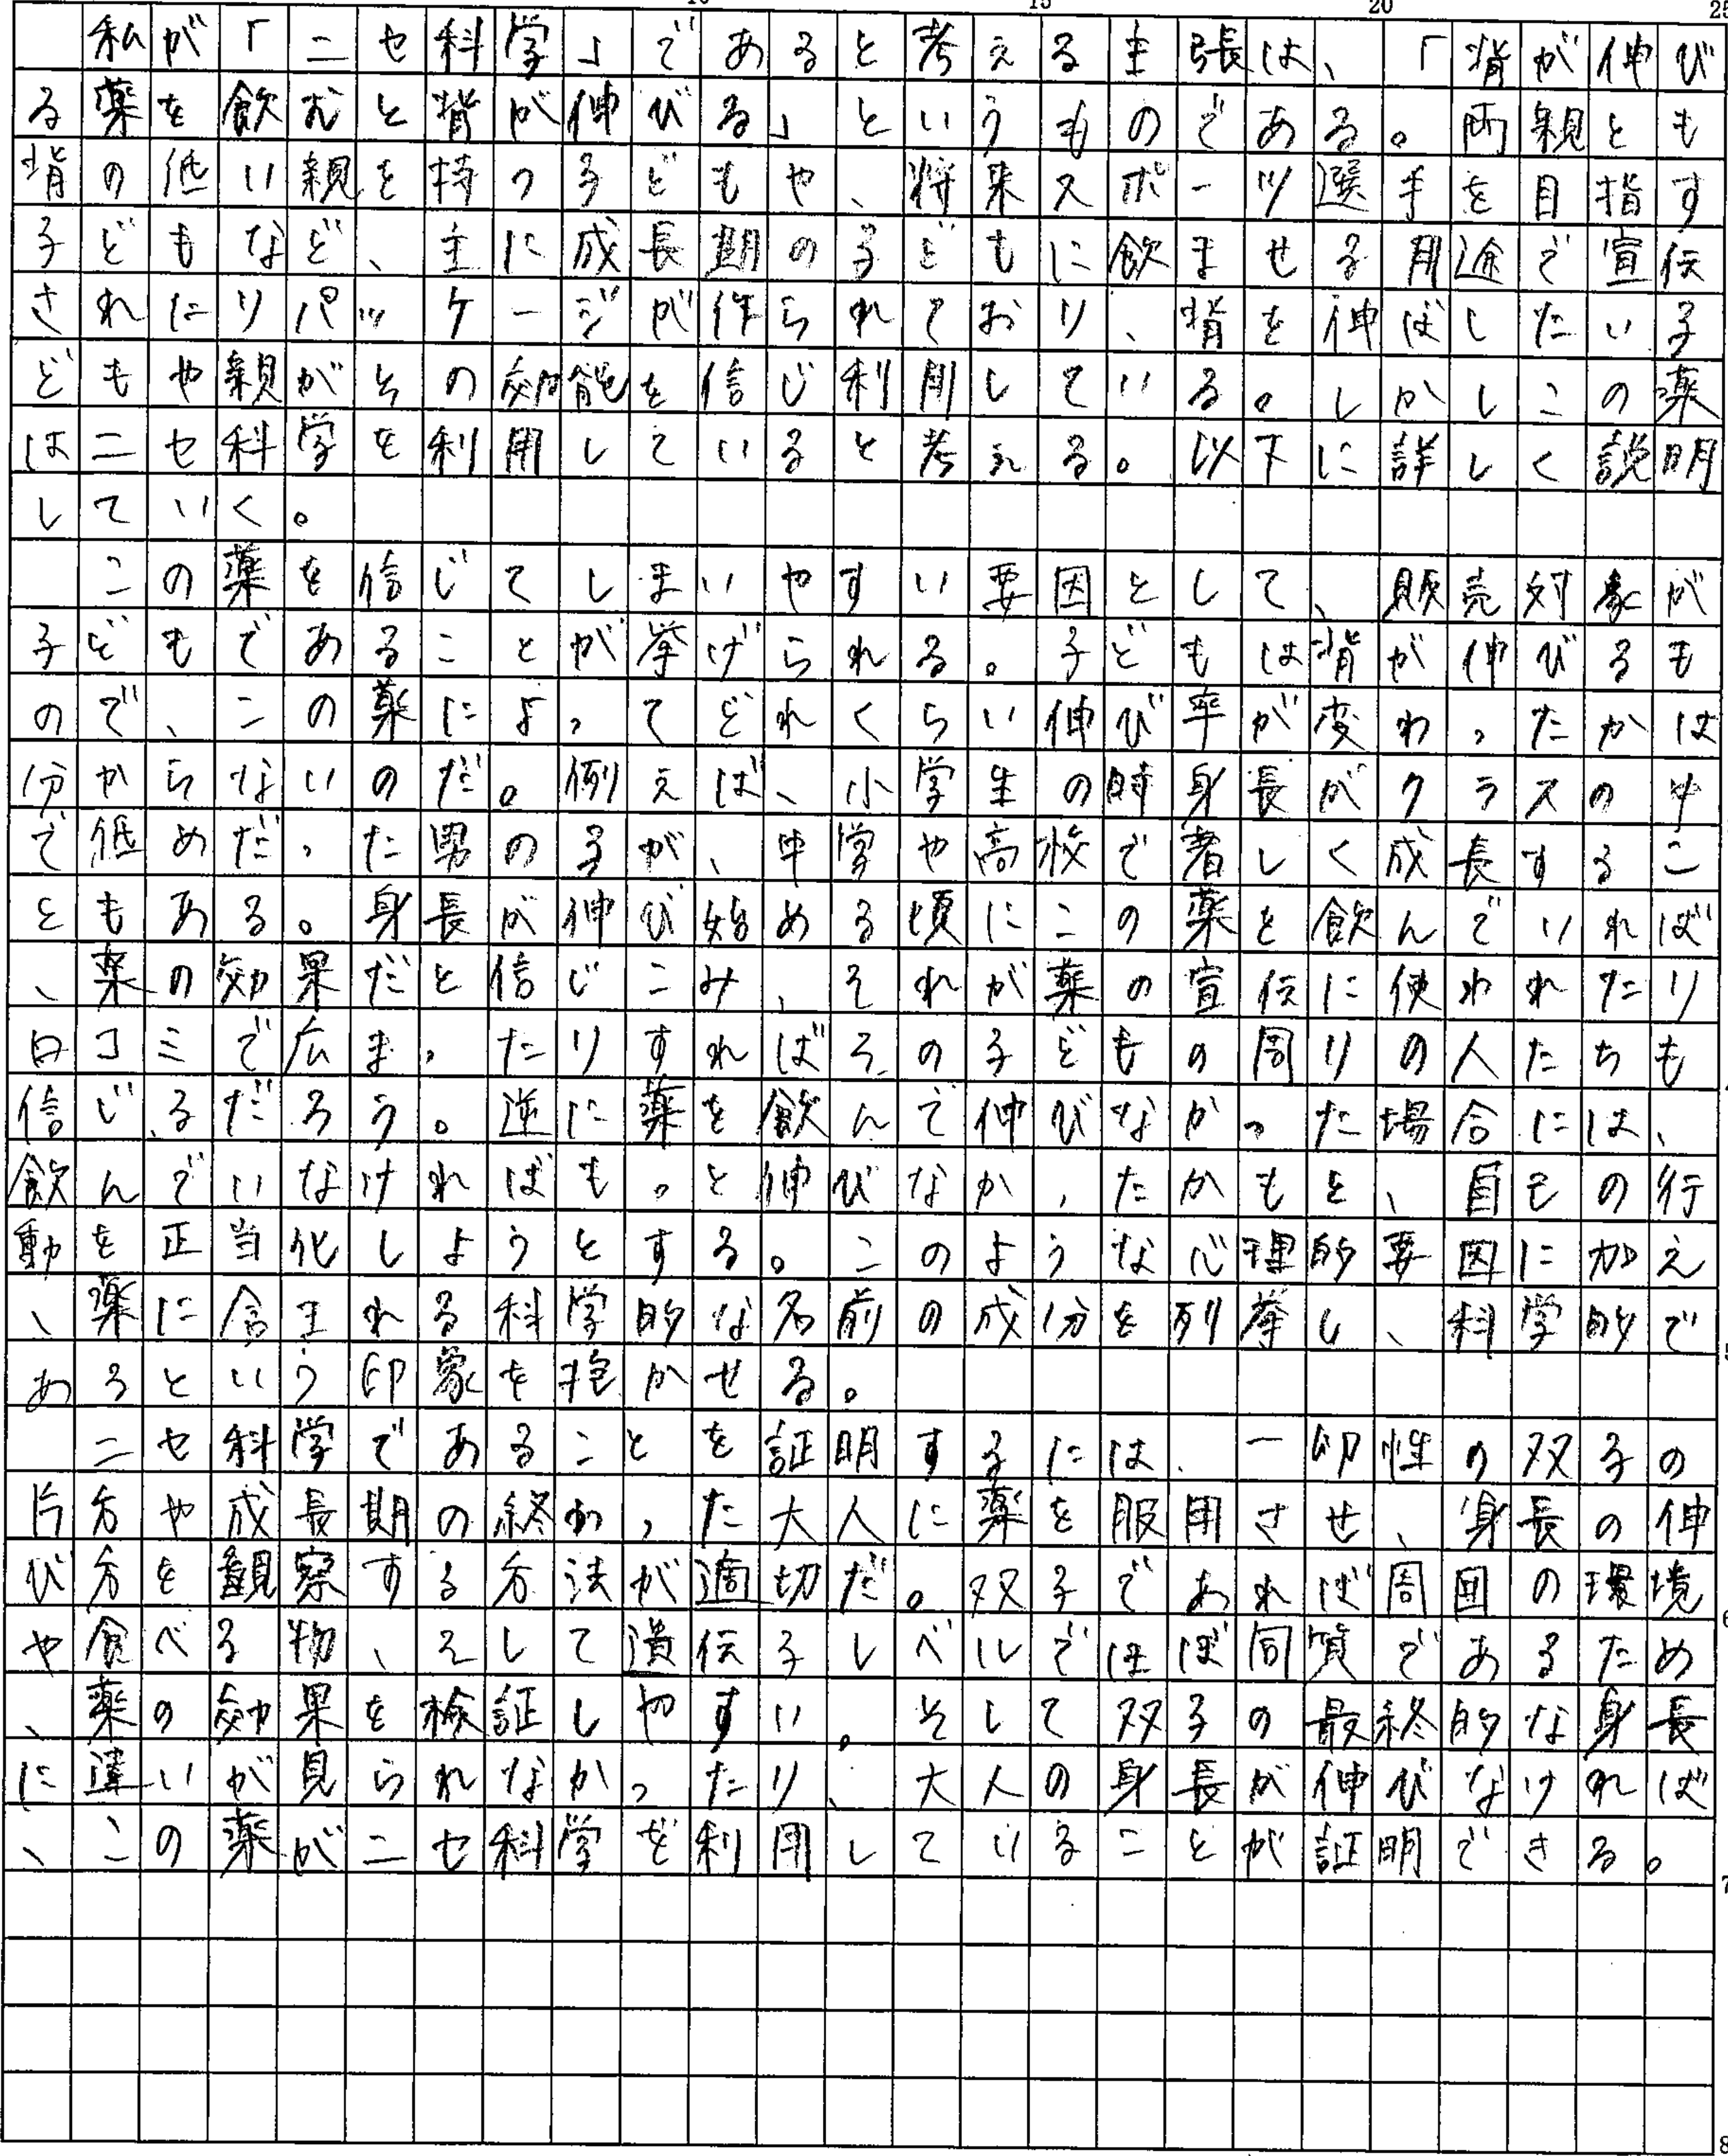　私が「ニセ科学」であると考える主張は、「背が伸びる薬を飲むと背が伸びる」というものである。両親とも背の低い親を持つ子どもや、将来スポーツ選手を目指す子どもなど、主に成長期の子どもに飲ませる用途で宣伝されたりパッケージが作られており、背を伸ばしたい子どもや親がその効能を信じ利用している。しかしこの薬はニセ科学を利用していると考える。以下に詳しく説明していく。
　この薬を信じてしまいやすい要因として、販売対象が子どもであることが挙げられる。子どもは背が伸びるもので、この薬によってどれくらい伸び率が変わったかは分からないのだ。例えば、小学生の時身長がクラスの中で低めだった男の子が、中学や高校で著しく成長することもある。身長が伸び始める頃にこの薬を飲んでいれば、薬の効果だと信じこみ、それが薬の宣伝に使われたり口コミで広まったりすればその子どもの周りの人たちも信じるだろう。逆に薬を飲んで伸びなかった場合には、飲んでいなければもっと伸びなかったかもと、自己の行動を正当化しようとする。このような心理的要因に加え、薬に含まれる科学的な名前の成分を列挙し、科学的であるという印象を抱かせる。
　ニセ科学であることを証明するには、一卵性の双子の片方や成長期の終わった大人に薬を服用させ、身長の伸び方を観察する方法が適切だ。双子であれば周囲の環境や食べる物、そして遺伝子レベルでほぼ同質であるため、薬の効果を検証しやすい。そして双子の最終的な身長に違いが見られなかったり、大人の身長が伸びなければ、この薬がニセ科学を利用していることが証明できる。
